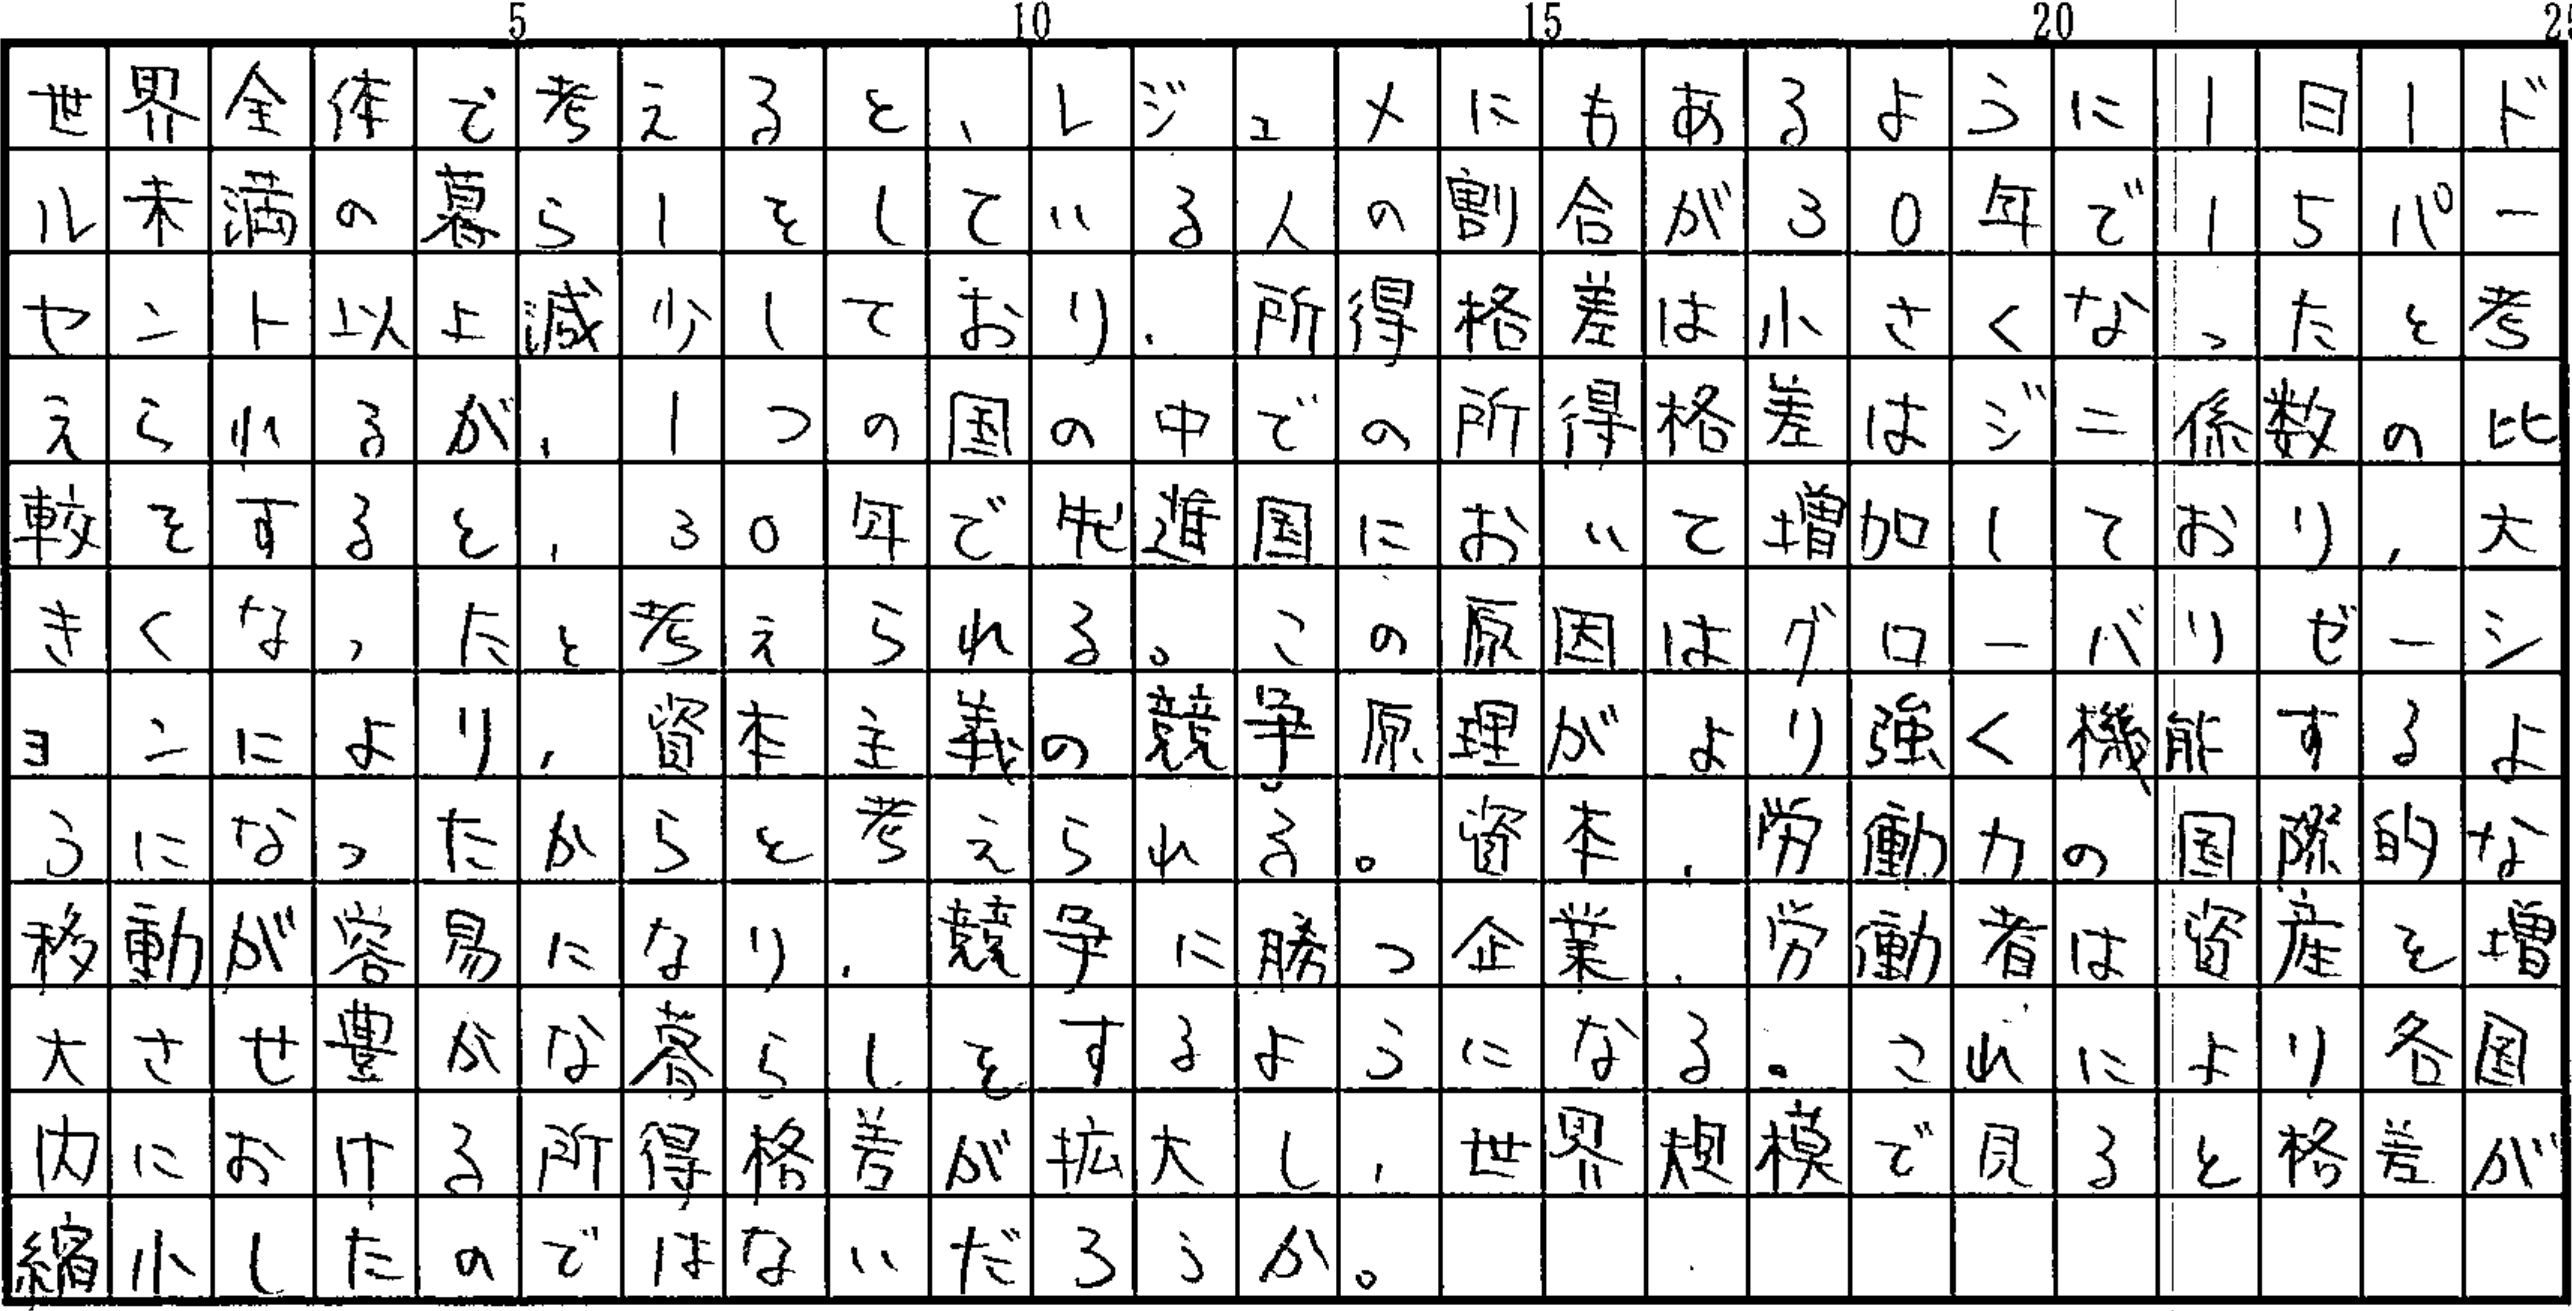世界全体で考えると、レジュメにもあるように１日１ドル未満の暮らしをしている人の割合が３０年で１５パーセント以上減少しており、所得格差は小さくなったと考えられるが、１つの国の中での所得格差はジニ係数の比較をすると、３０年で先進国において増加しており、大きくなったと考えられる。この原因はグローバリゼーションにより、資本主義の競争原理がより強く機能するようになったからと考えられる。資本、労働力の国際的な移動が容易になり、競争に勝つ企業、労働者は資産を増大させ豊かな暮らしをするようになる。これにより各国内における所得格差が拡大し、世界規模で見ると格差が縮小したのではないだろうか。
